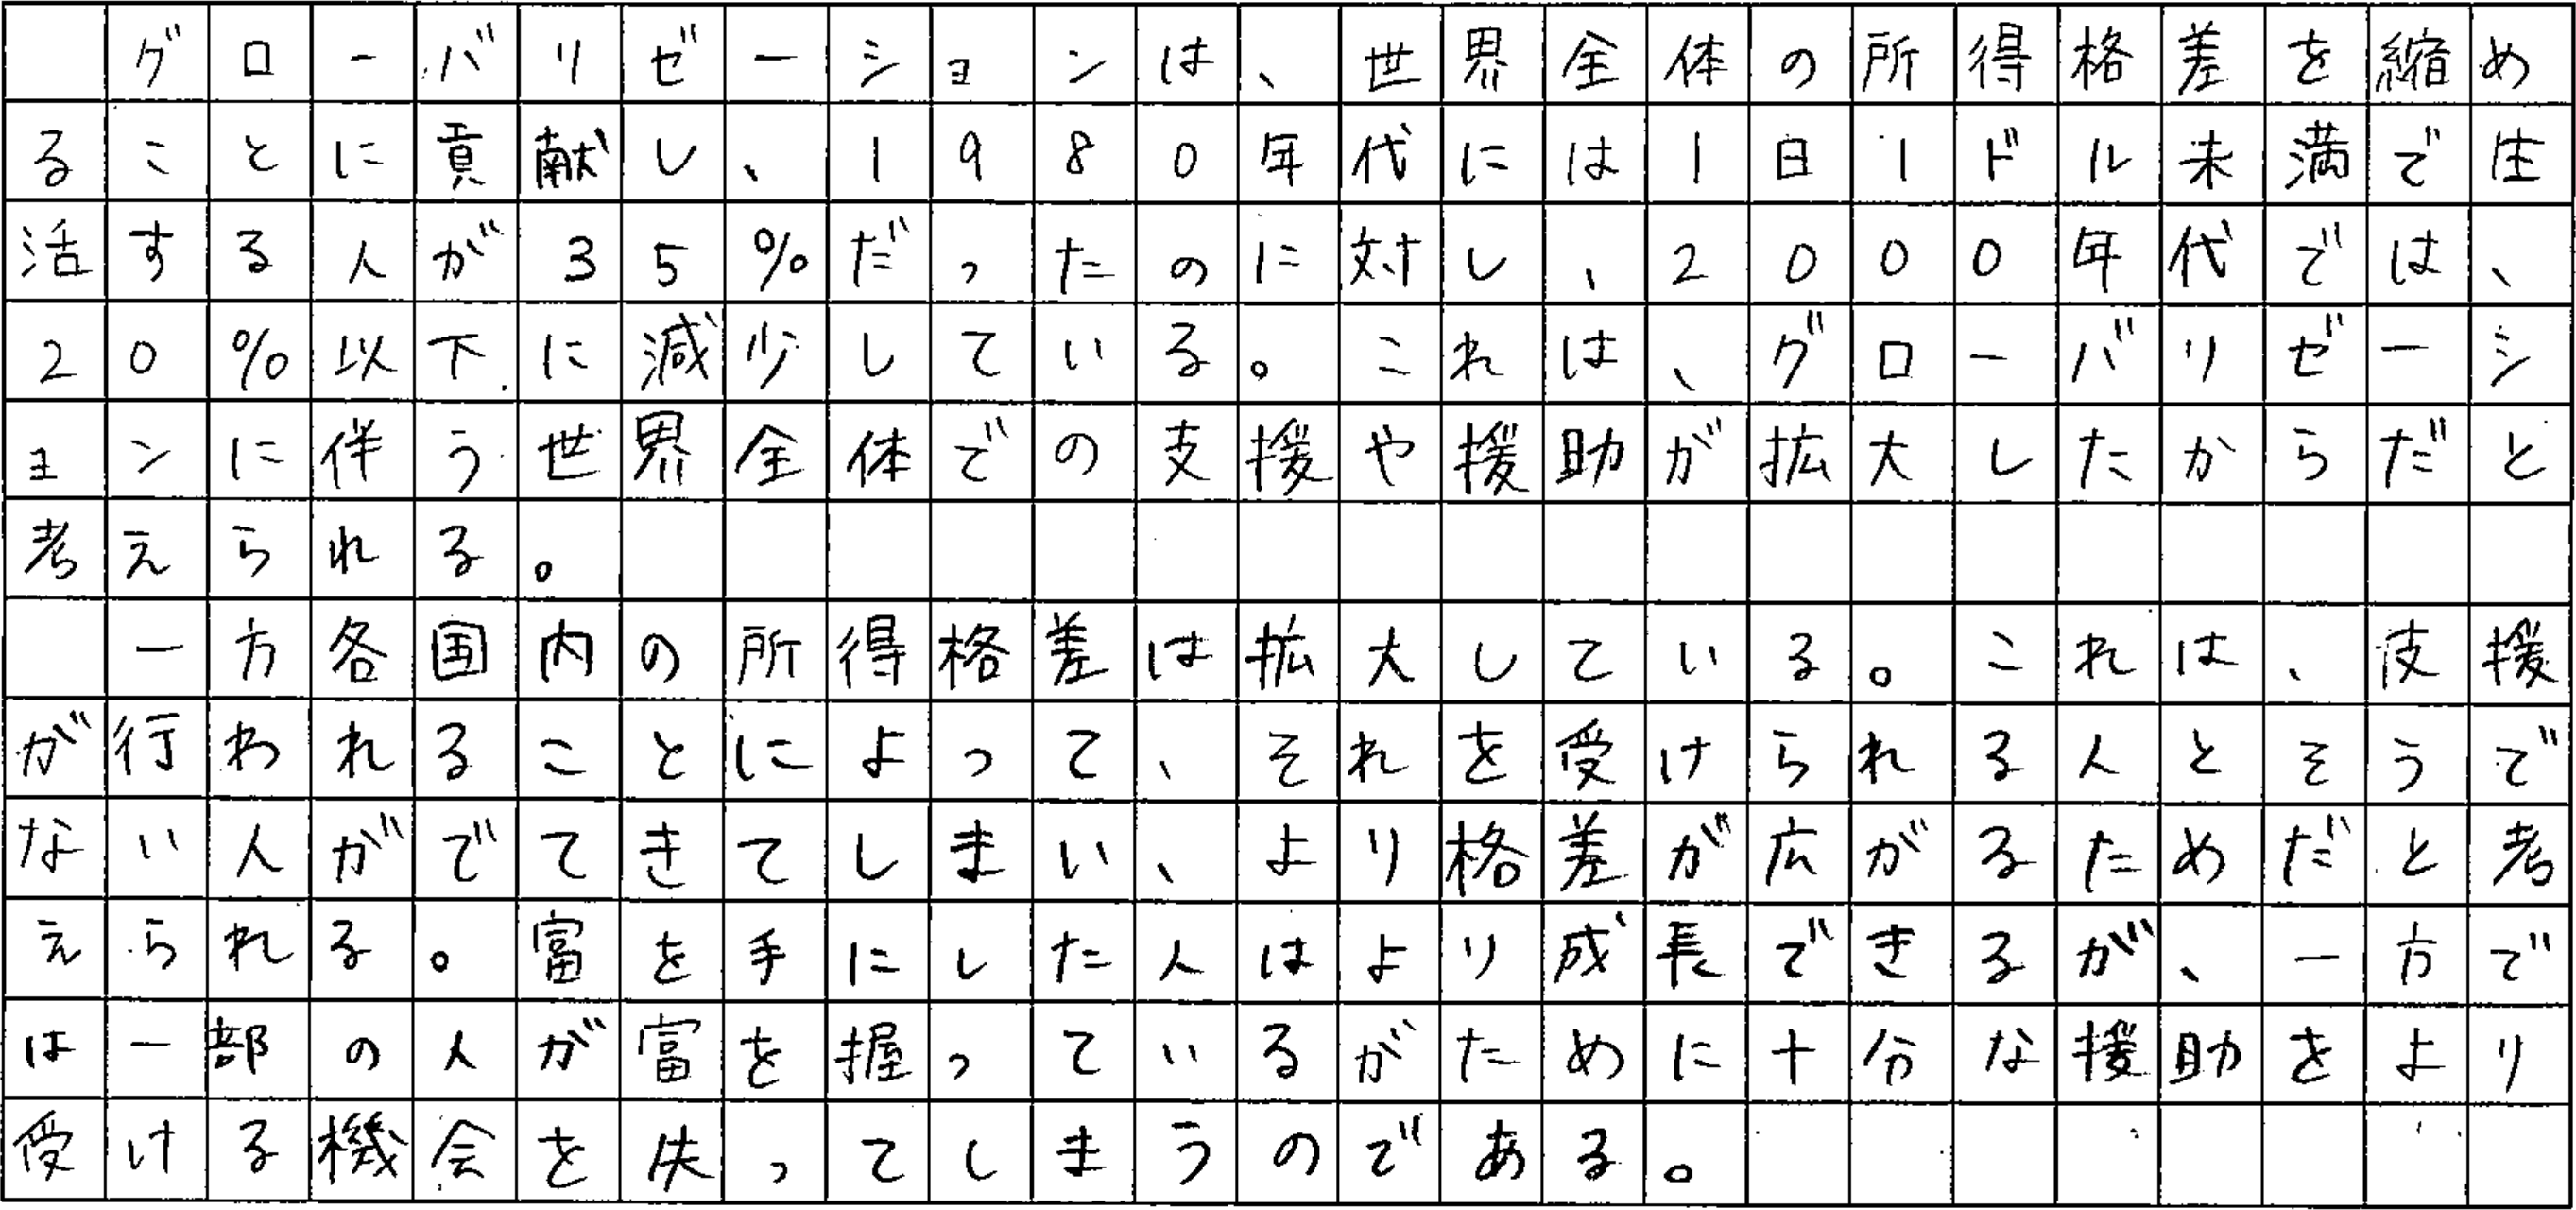　グローバリゼーションは、世界全体の所得格差を縮めることに貢献し、１９８０年代には１日１ドル未満で生活する人が３５％だったのに対し、２０００年代では、２０％以下に減少している。これは、グローバリゼーションに伴う世界全体での支援や援助が拡大したからだと考えられる。
　一方各国内の所得格差は拡大している。これは、支援が行われることによって、それを受けられる人とそうでない人ができてしまい、より格差が広がるためだと考えられる。富を手にした人はより成長できるが、一方では一部の人が富を握っているがために十分な援助をより受ける機会を失ってしまうのである。
